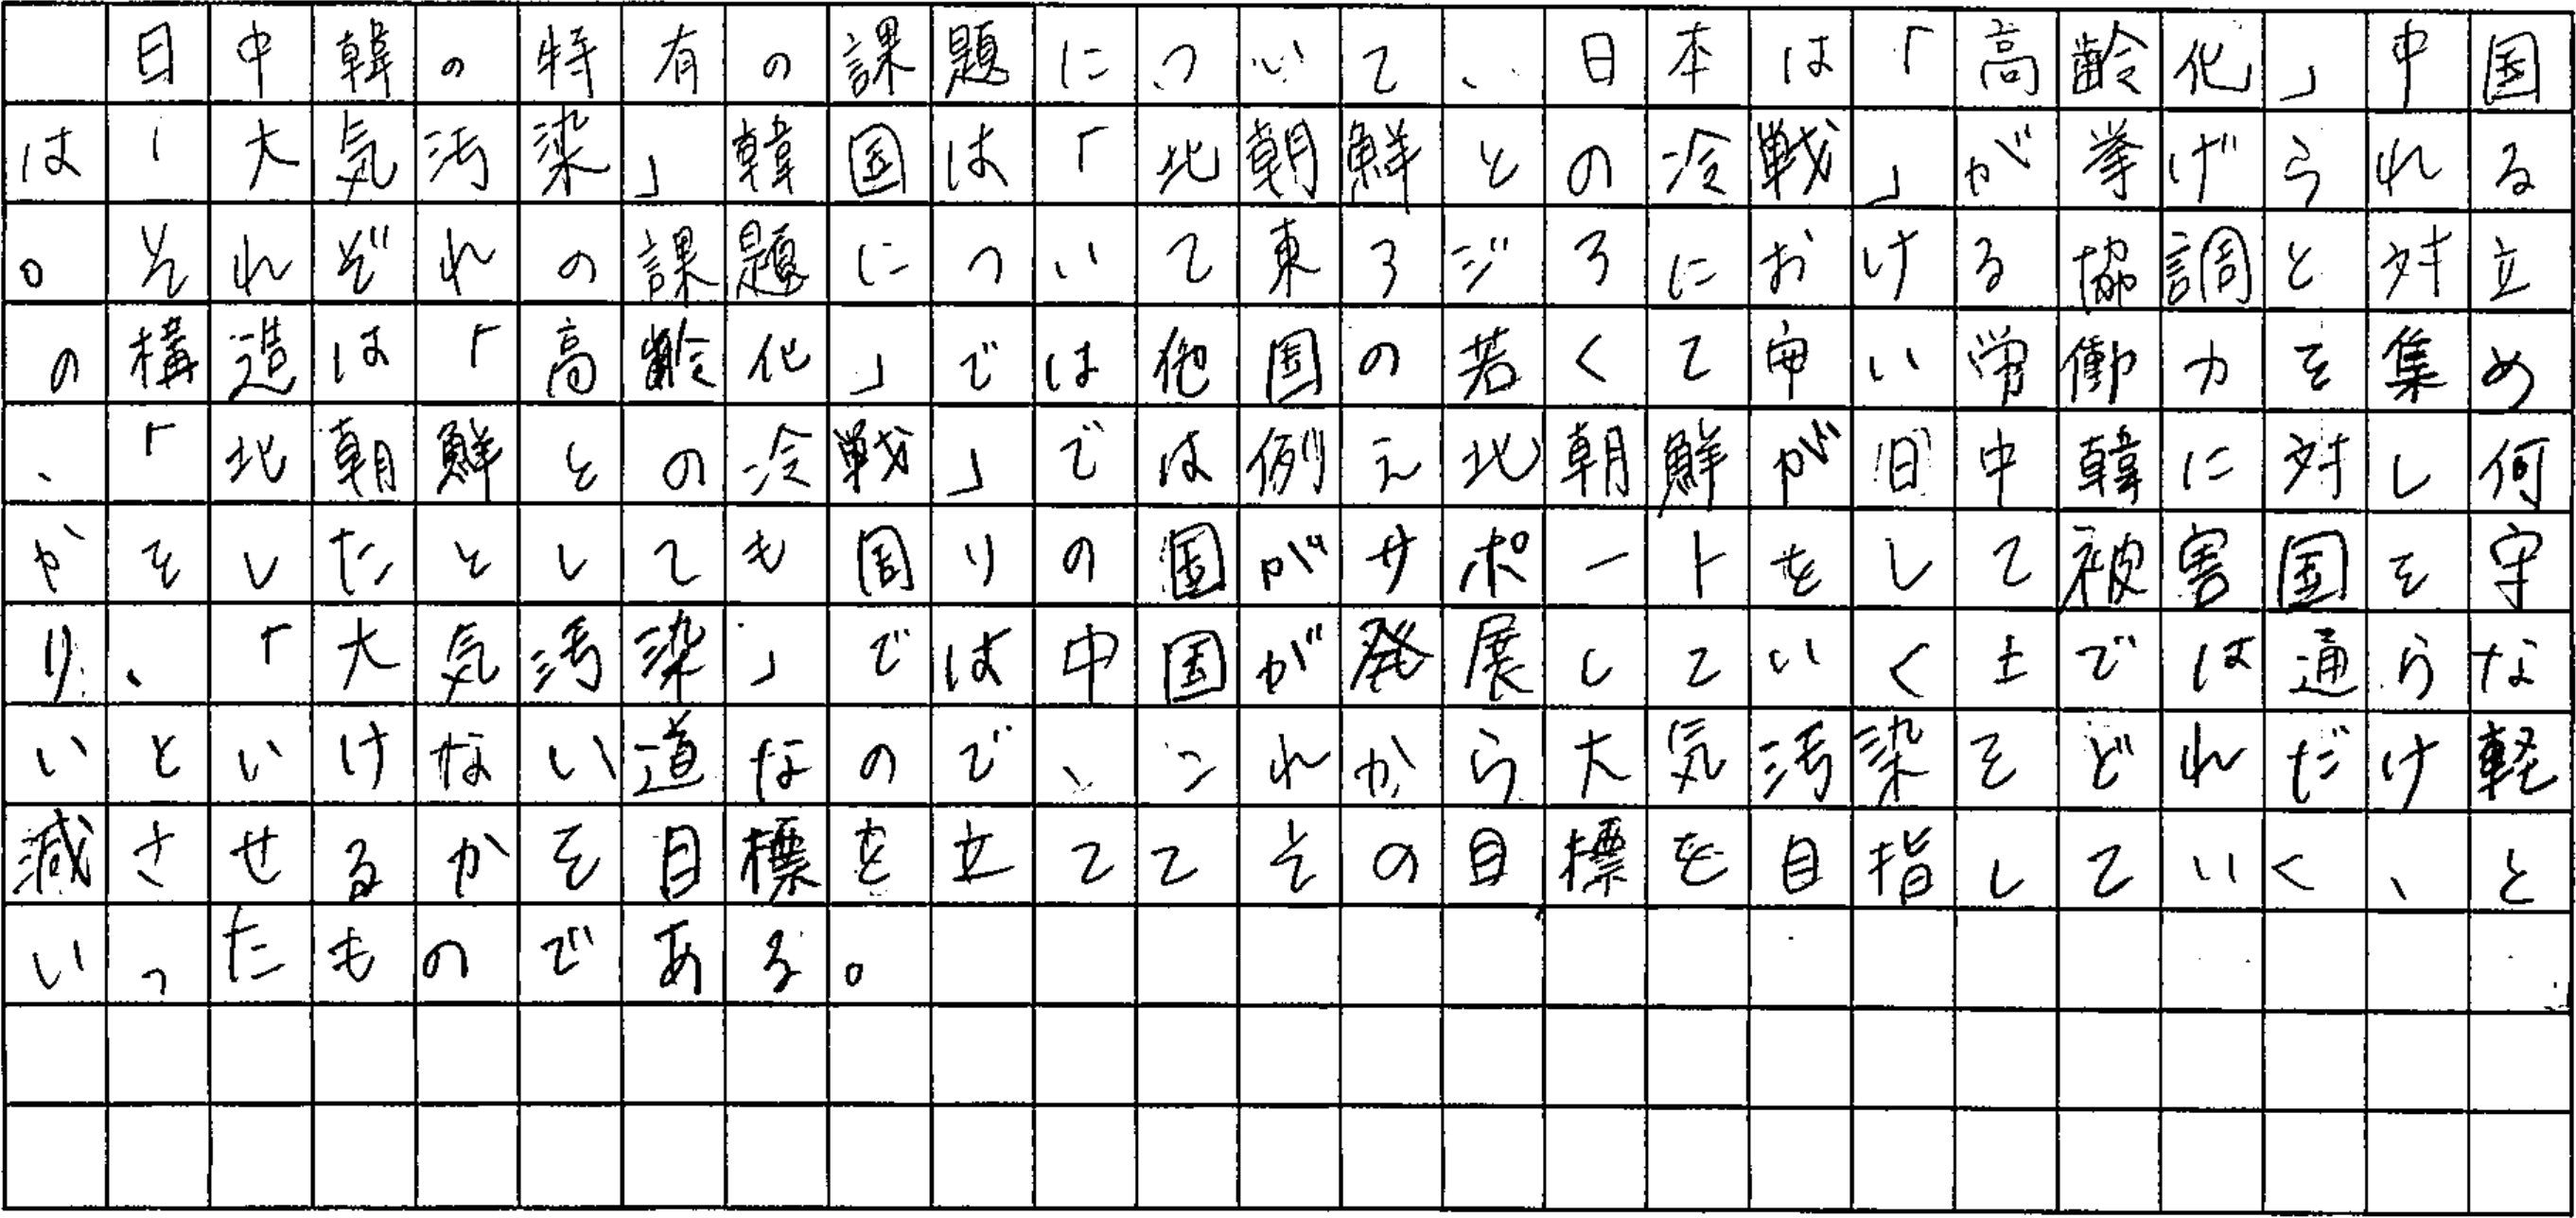　日中韓の特有の課題について、日本は「高齢化」中国は「大気汚染」韓国は「北朝鮮との冷戦」が挙げられる。それぞれの課題について東アジアにおける協調と対立の構造は「高齢化」では他国の若くて安い労働力を集め、「北朝鮮との冷戦」では例え北朝鮮が日中韓に対し何かをしたとしても周りの国がサポートをして被害国を守り、「大気汚染」では中国が発展していく上では通らないといけない道なので、これから大気汚染をどれだけ軽減させるかを目標を立ててその目標を目指していく、といったものである。
